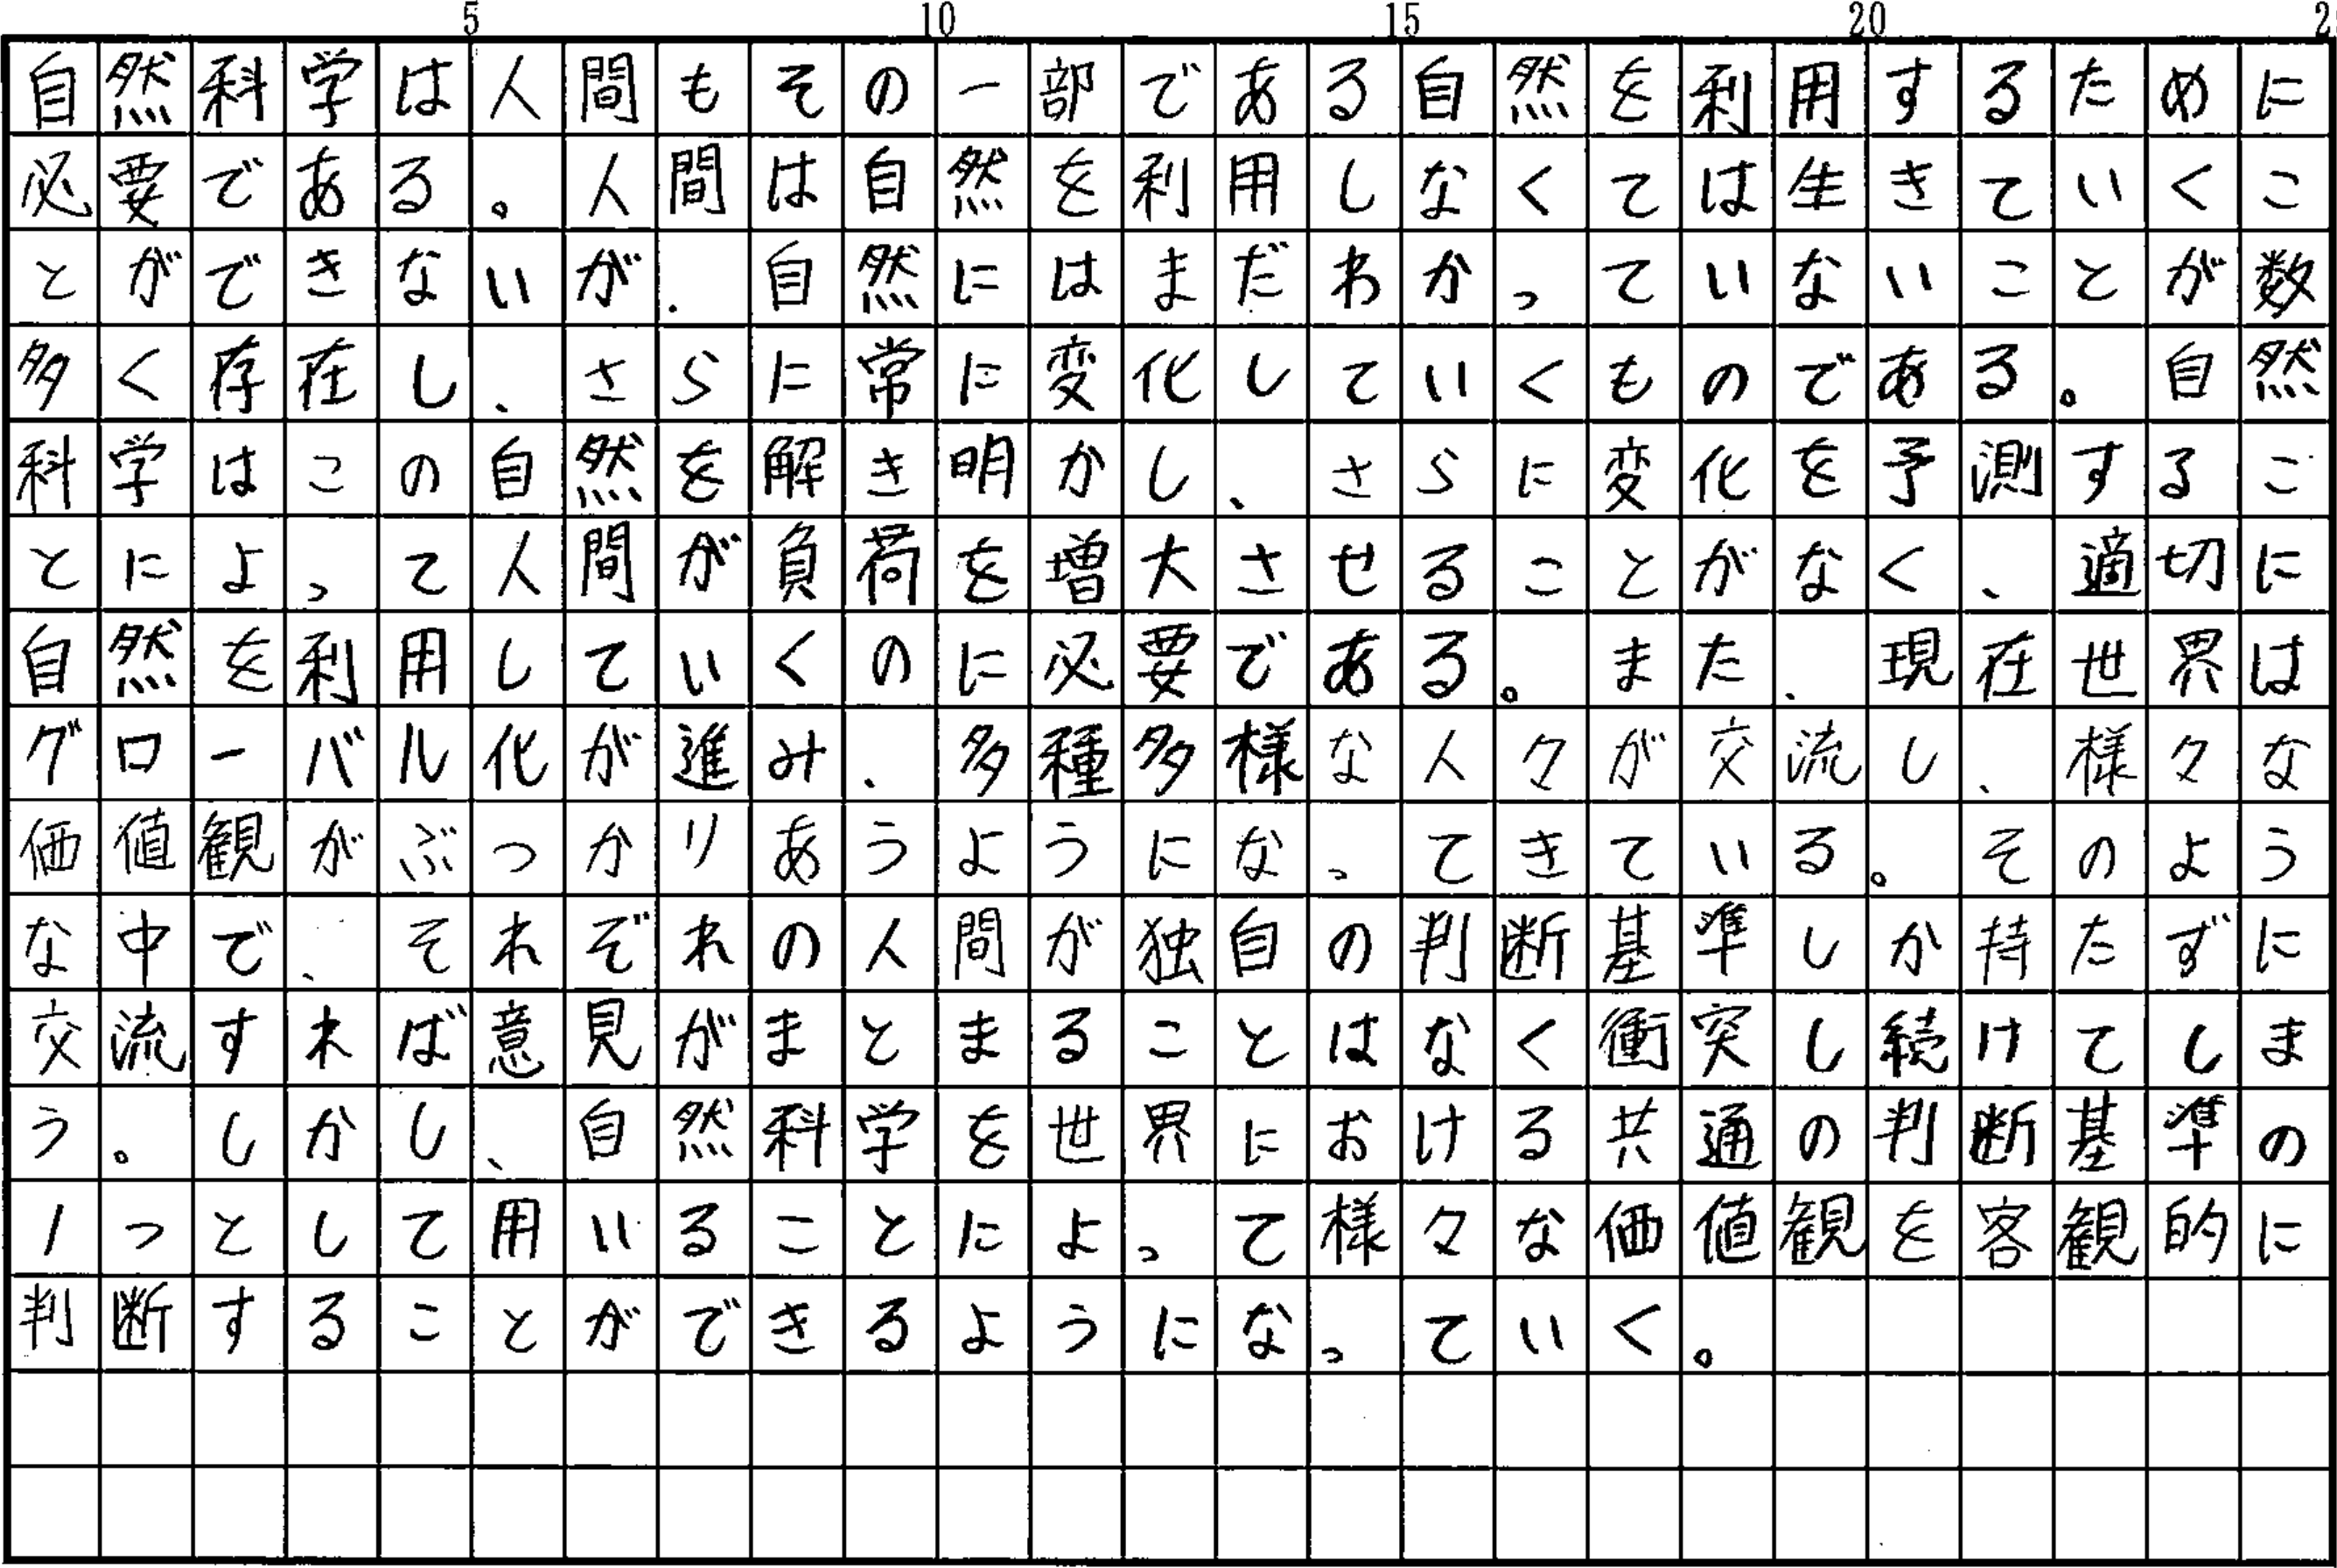自然科学は人間もその一部である自然を利用するために必要である。人間は自然を利用しなくては生きていくことができないが、自然にはまだわかっていないことが数多く存在し、さらに常に変化していくものである。自然科学はこの自然を解き明かし、さらに変化を予測することによって人間が負荷を増大させることがなく、適切に自然を利用していくのに必要である。また、現在世界はグローバル化が進み、多種多様な人々が交流し、様々な価値観がぶつかりあうようになってきている。そのような中で、それぞれの人間が独自の判断基準しか持たずに交流すれば意見がまとまることはなく衝突し続けてしまう。しかし、自然科学を世界における共通の判断基準の１つとして用いることによって様々な価値観を客観的に判断することができるようになっていく。
